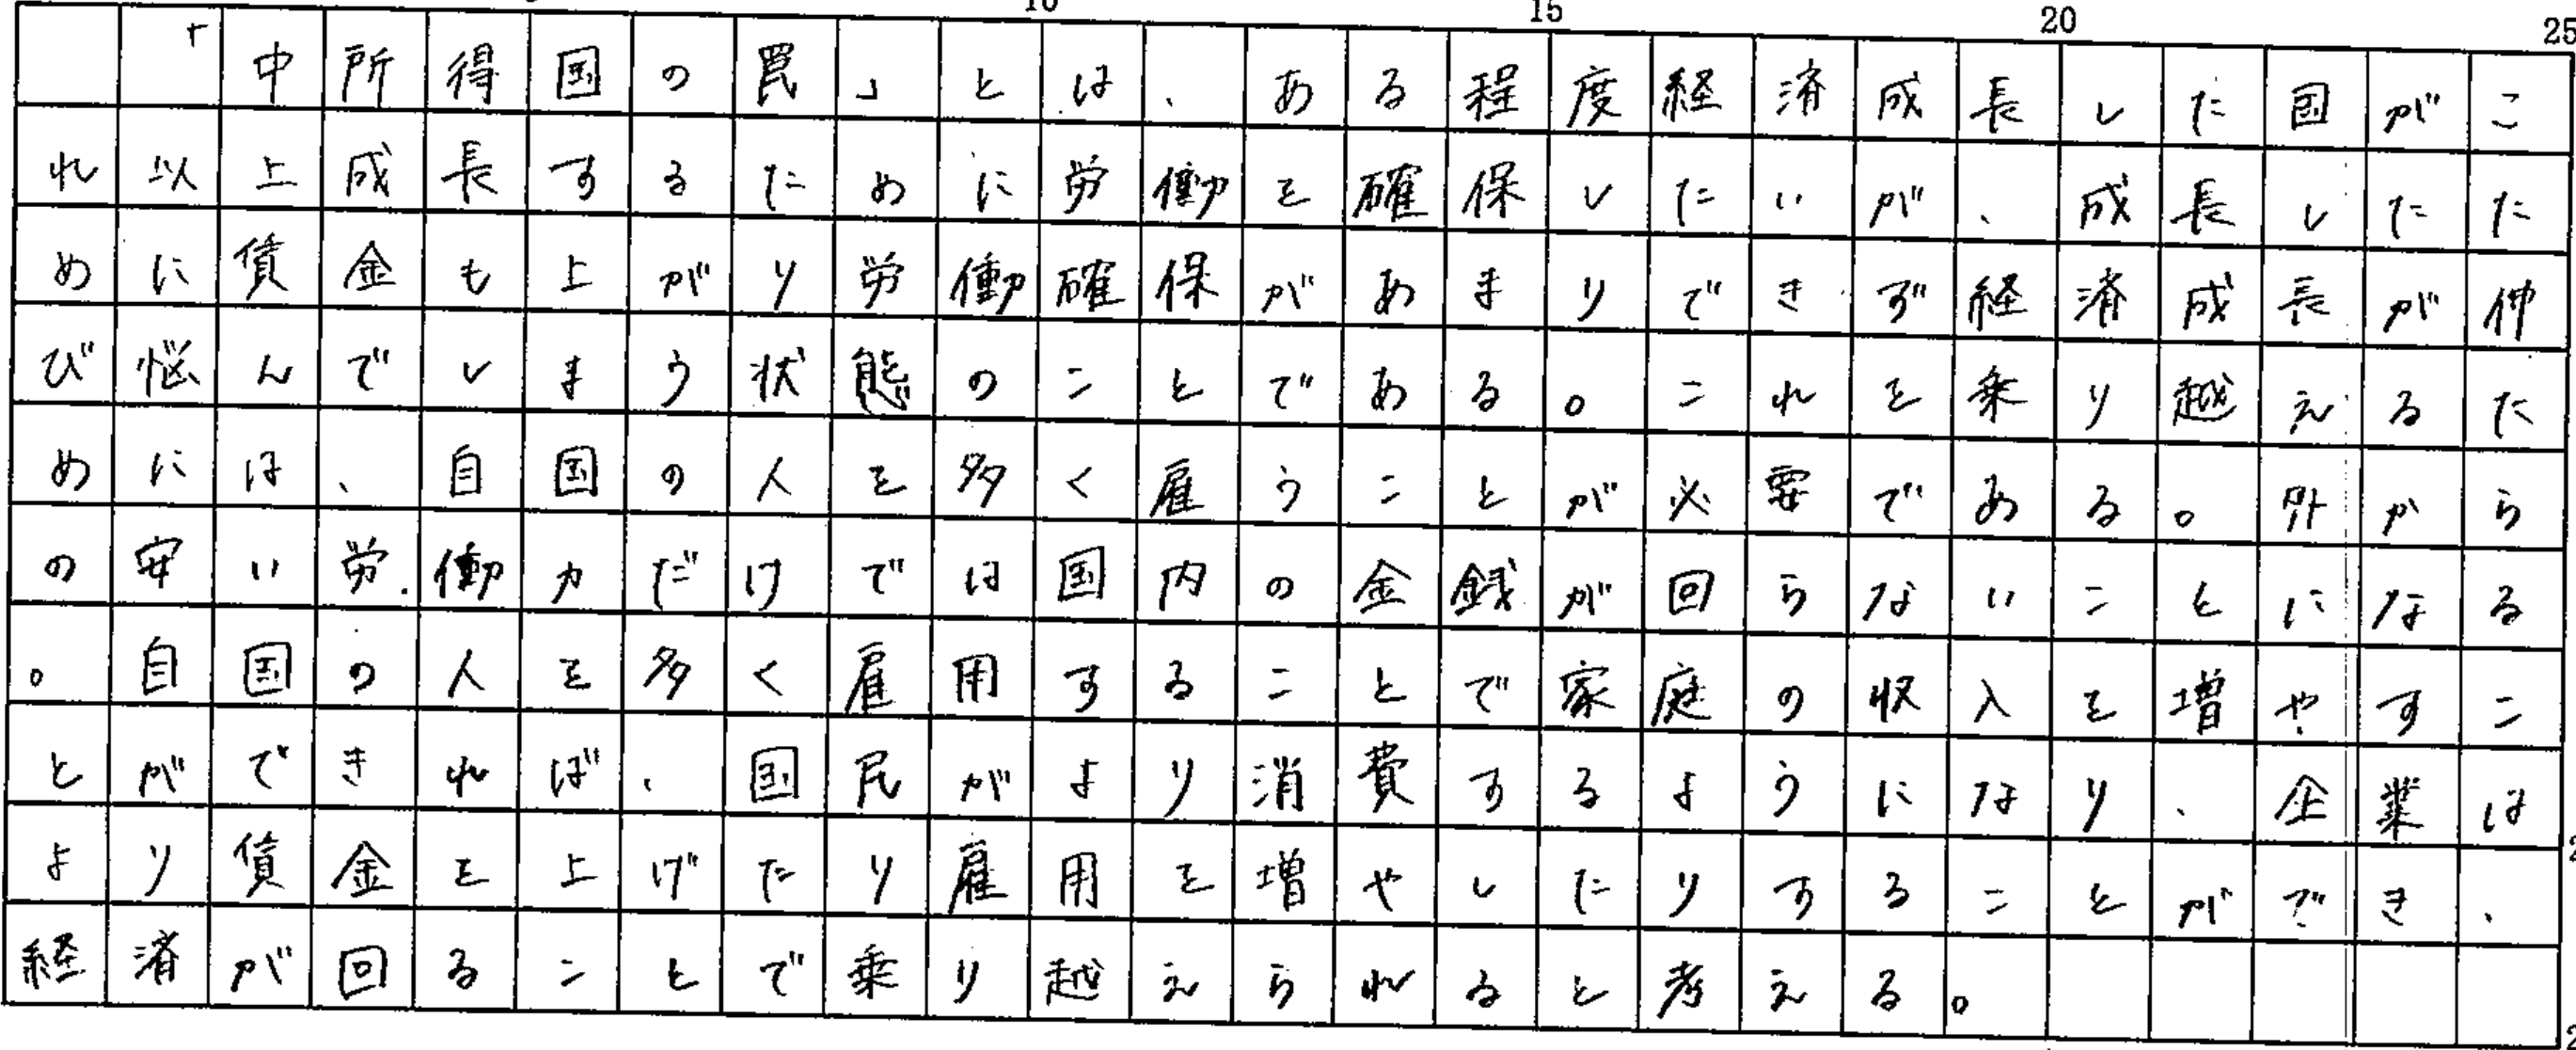　「中所得国の罠」とは、ある程度経済成長した国がこれ以上成長するために労働を確保したいが、成長したために賃金も上がり労働確保があまりできず経済成長が伸び悩んでしまう状態のことである。これを乗り越えるためには、自国の人を多く雇うことが必要である。外からの安い労働力だけでは国内の金銭が回らないことになる。自国の人を多く雇用することで家庭の収入を増やすことができれば、国民がより消費するようになり、企業はより賃金を上げたり雇用を増やしたりすることができ、経済が回ることで乗り越えられると考える。
